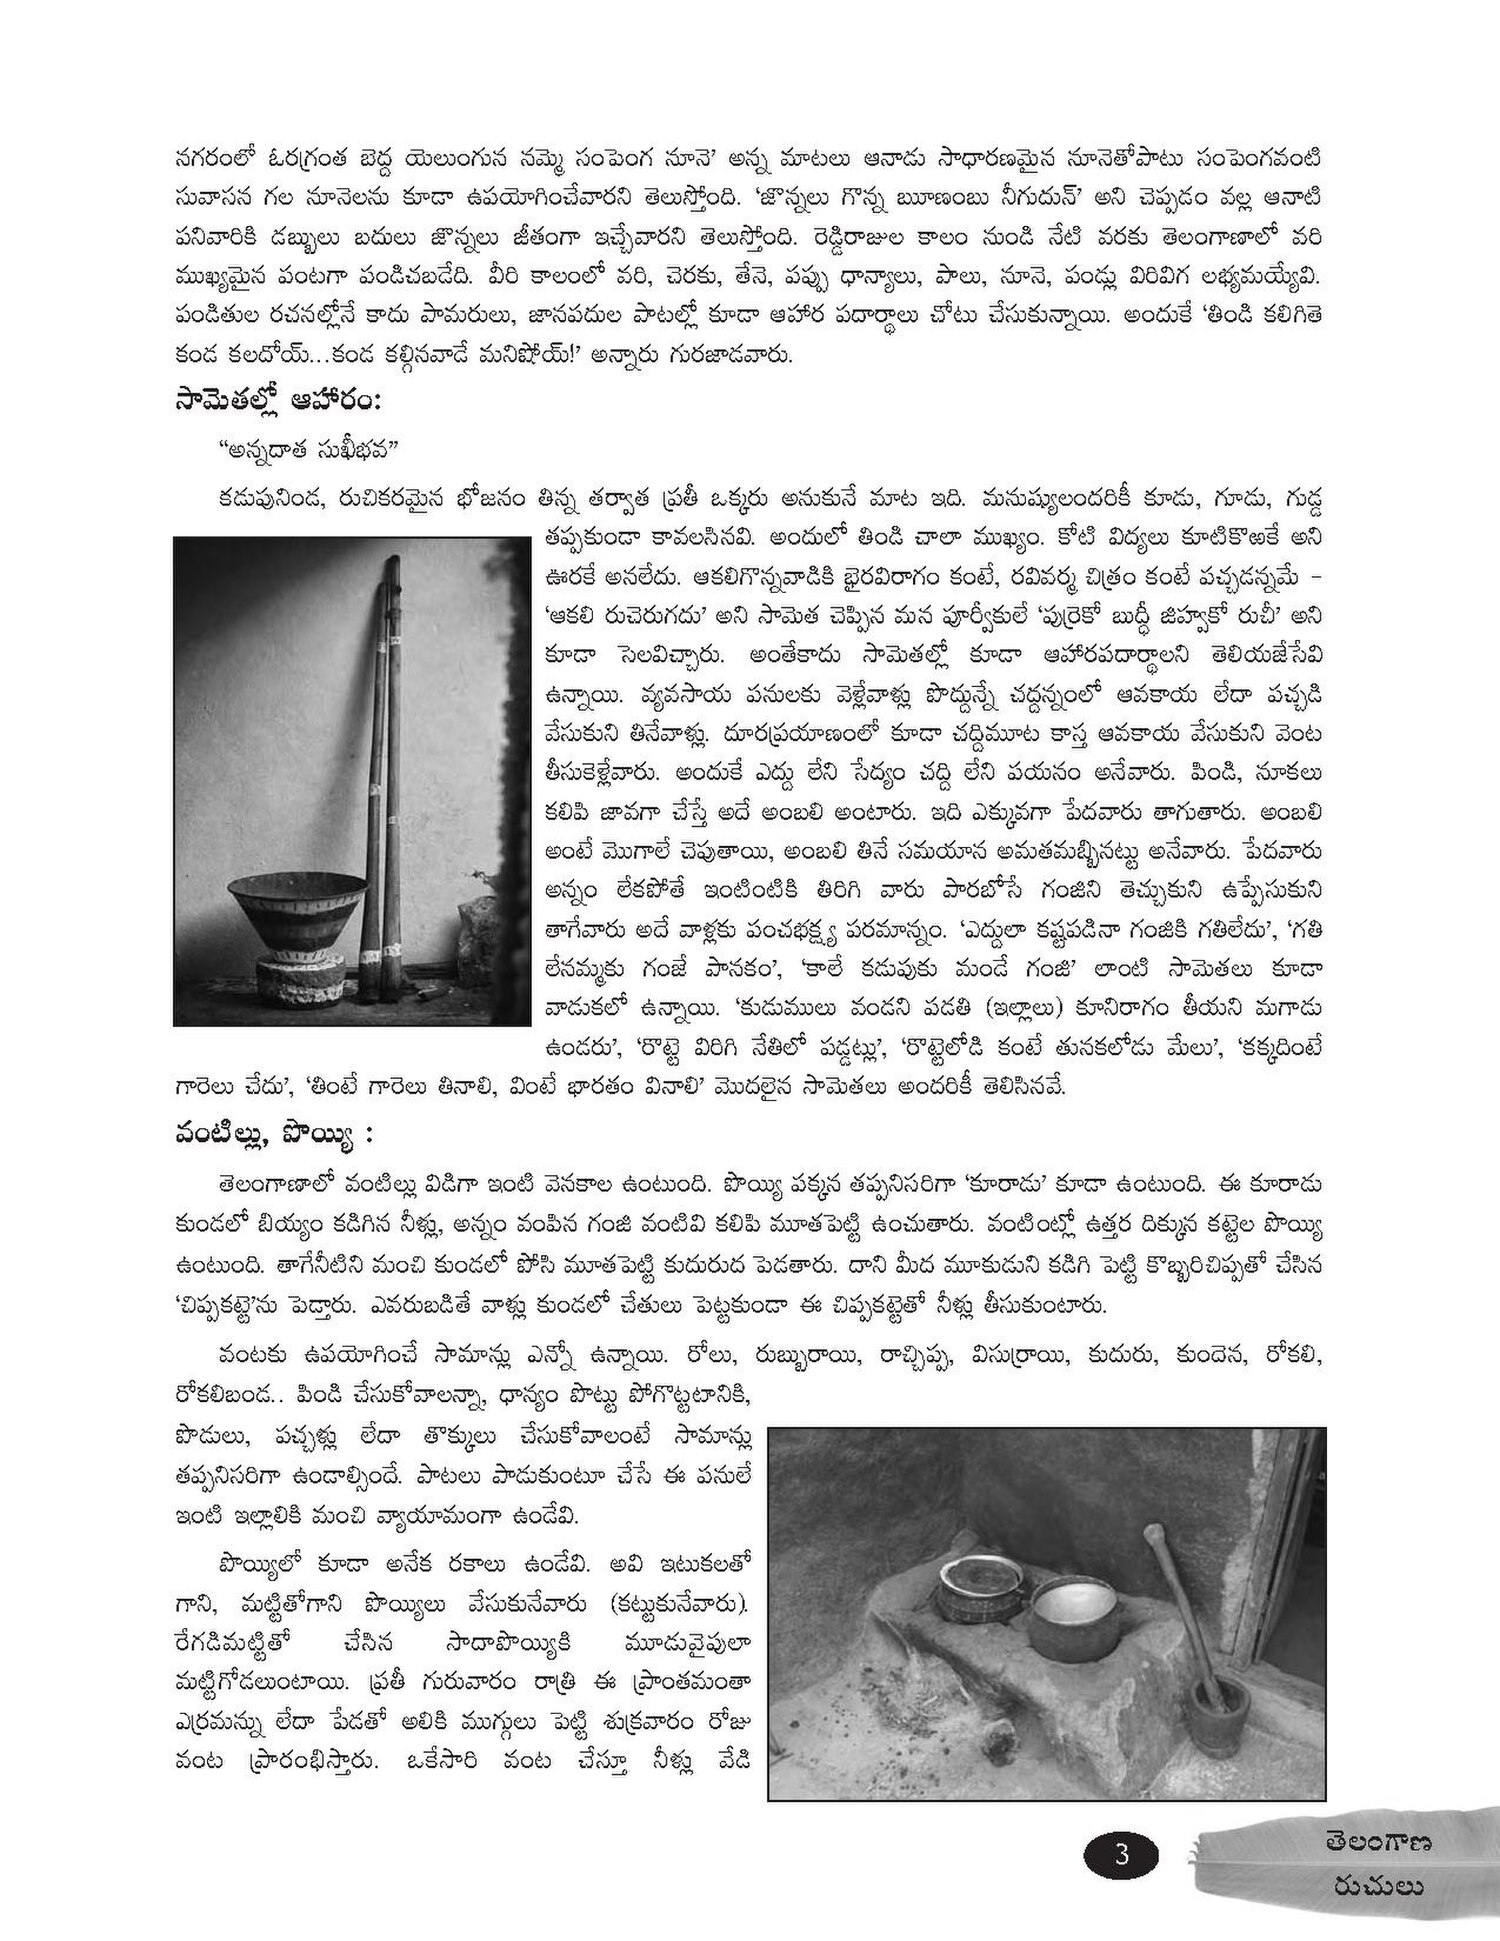నగరంలో ఓరగంత బెద్ద యెలుంగున నమ్మె సంపెంగ నూనె' అన్న మాటలు ఆనాడు సాధారణమైన నూనెతోపాటు సంపెంగవంటి సువాసన గల నూనెలను కూడా ఉపయోగించేవారని తెలుస్తోంది. 'జొన్నలు గొన్న ౠణంబు నీగుదున్' అని చెప్పడం వల్ల ఆనాటి పనివారికి డబ్బులు బదులు జొన్నలు జీతంగా ఇచ్చేవారని తెలుస్తోంది. రెడ్డిరాజుల కాలం నుండి నేటి వరకు తెలంగాణాలో వరి ముఖ్యమైన పంటగా పండిచబడేది. వీరి కాలంలో వరి, చెరకు, తేనె, పప్పు ధాన్యాలు, పాలు, నూనె, పండ్లు విరివిగ లభ్యమయ్యేవి. పండితుల రచనల్లోనే కాదు పామరులు, జానపదుల పాటల్లో కూడా ఆహార పదార్థాలు చోటు చేసుకున్నాయి. అందుకే 'తిండి కలిగితె కండ కలదోయ్... కండ కల్గినవాడే మనిషోయ్!' అన్నారు గురజాడవారు.

సామెతల్లో ఆహారం:

“అన్నదాత సుఖీభవ”
-
కడుపునిండ, రుచికరమైన భోజనం తిన్న తర్వాత ప్రతీ ఒక్కరు అనుకునే మాట ఇది. మనుష్యులందరికీ కూడు, గూడు, గుడ్డ తప్పకుండా కావలసినవి. అందులో తిండి చాలా ముఖ్యం. కోటి విద్యలు కూటికొఱకే అని ఊరకే అనలేదు. ఆకలిగొన్నవాడికి భైరవి రాగం కంటే, రవివర్మ చిత్రం కంటే పచ్చడన్నమే 'ఆకలి రుచెరుగదు' అని సామెత చెప్పిన మన పూర్వీకులే 'పుర్రెకో బుద్ధి జిహ్వకో రుచీ' అని కూడా సెలవిచ్చారు. అంతేకాదు సామెతల్లో కూడా ఆహారపదార్థాలని తెలియజేసేవి ఉన్నాయి. వ్యవసాయ పనులకు వెళ్లేవాళ్లు పొద్దున్నే చద్దన్నంలో ఆవకాయ లేదా పచ్చడి వేసుకుని తినేవాళ్లు. దూరప్రయాణంలో కూడా చద్దిమూట కాస్త ఆవకాయ వేసుకుని వెంట తీసుకెళ్లేవారు. అందుకే ఎద్దు లేని సేద్యం చద్ది లేని పయనం అనేవారు. పిండి, నూకలు కలిపి జావగా చేస్తే అదే అంబలి అంటారు. ఇది ఎక్కువగా పేదవారు తాగుతారు. అంబలి అంటే మొగాలే చెపుతాయి, అంబలి తినే సమయాన అమతమబ్బినట్టు అనేవారు. పేదవారు అన్నం లేకపోతే ఇంటింటికి తిరిగి వారు పారబోసే గంజిని తెచ్చుకుని ఉప్పేసుకుని తాగేవారు అదే వాళ్లకు పంచభక్ష్య పరమాన్నం. 'ఎద్దులా కష్టపడినా గంజికి గతిలేదు', 'గతి లేనమ్మకు గంజే పానకం', 'కాలే కడుపుకు మండే గంజి' లాంటి సామెతలు కూడా వాడుకలో ఉన్నాయి. 'కుడుములు వండని పడతి (ఇల్లాలు) కూనిరాగం తీయని మగాడు ఉండరు', 'రొట్టె విరిగి నేతిలో పడ్డట్లు', 'రొట్టెలోడి కంటే తునకలోడు మేలు', 'కక్కదింటే గారెలు చేదు', 'తింటే గారెలు తినాలి, వింటే భారతం వినాలి' మొదలైన సామెతలు అందరికీ తెలిసినవే.

వంటిల్లు, పొయ్యి :

తెలంగాణాలో వంటిల్లు విడిగా ఇంటి వెనకాల ఉంటుంది. పొయ్యి పక్కన తప్పనిసరిగా 'కూరాడు' కూడా ఉంటుంది. ఈ కూరాడు కుండలో బియ్యం కడిగిన నీళ్లు, అన్నం వంపిన గంజి వంటివి కలిపి మూతపెట్టి ఉంచుతారు. వంటింట్లో ఉత్తర దిక్కున కట్టెల పొయ్యి ఉంటుంది. తాగేనీటిని మంచి కుండలో పోసి మూత పెట్టి కుదురుద పెడతారు. దాని మీద మూకుడుని కడిగి పెట్టి కొబ్బరిచిప్పతో చేసిన'చిప్పకట్టె'ను పెడ్తారు. ఎవరుబడితే వాళ్లు కుండలో చేతులు పెట్టకుండా ఈ చిప్పకట్టెతో నీళ్లు తీసుకుంటారు.

వంటకు ఉపయోగించే సామాన్లు ఎన్నో ఉన్నాయి. రోలు, రుబ్బురాయి, రాచ్చిప్ప, విసుర్రాయి, కుదురు, కుందెన, రోకలి, రోకలిబండ.. పిండి చేసుకోవాలన్నా, ధాన్యం పొట్టు పోగొట్టటానికి, పొడులు, పచ్చళ్లు లేదా తొక్కులు చేసుకోవాలంటే సామాన్లు తప్పనిసరిగా ఉండాల్సిందే. పాటలు పాడుకుంటూ చేసే ఈ పనులే ఇంటి ఇల్లాలికి మంచి వ్యాయామంగా ఉండేవి.

పొయ్యిలో కూడా అనేక రకాలు ఉండేవి. అవి ఇటుకలతో గాని, మట్టితోగాని పొయ్యిలు వేసుకునేవారు (కట్టుకునేవారు).
రేగడిమట్టితో చేసిన సాదాపొయ్యికి మూడువైపులా మట్టిగోడలుంటాయి. ప్రతీ గురువారం రాత్రి ఈ ప్రాంతమంతా
ఎర్రమన్ను లేదా పేడతో అలికి ముగ్గులు పెట్టి శుక్రవారం రోజు వంట ప్రారంభిస్తారు. ఒకేసారి వంట చేస్తూ నీళ్లు వేడి